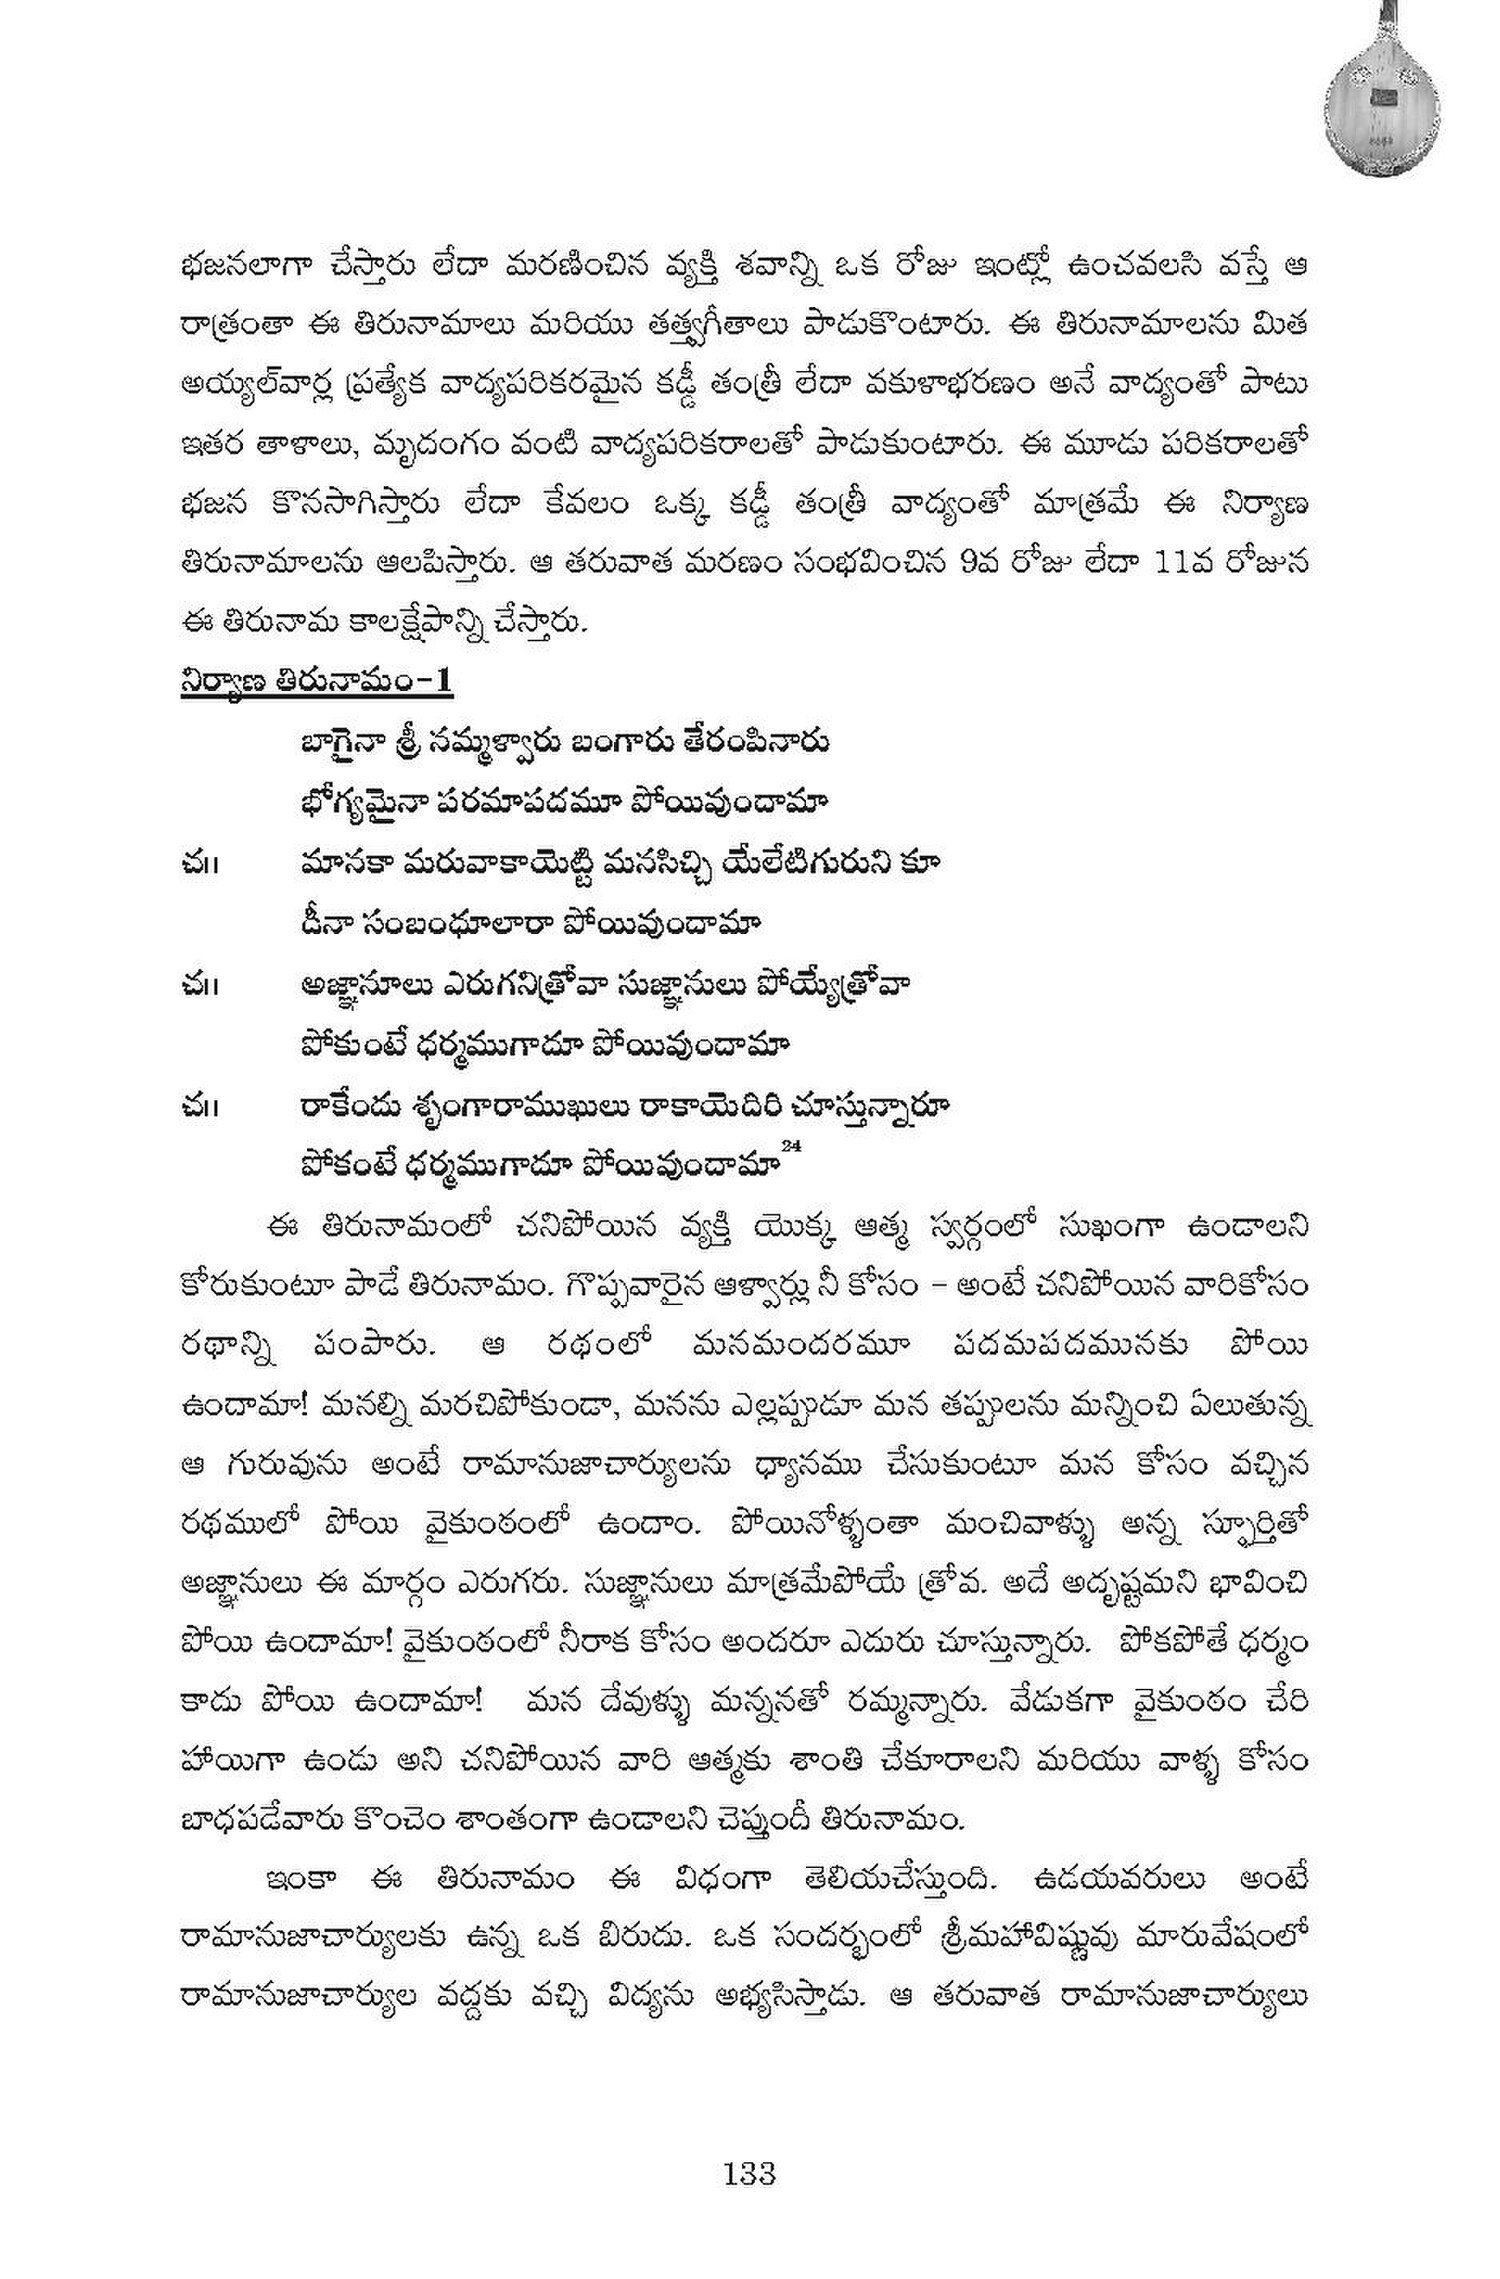భజనలాగా చేస్తారు లేదా మరణించిన వ్యక్తి శవాన్ని ఒక రోజు ఇంట్లో ఉంచవలసి వస్తే ఆ రాత్రంతా ఈ తిరునామాలు మరియు తత్త్వగీతాలు పాడుకొంటారు. ఈ తిరునామాలను మిత అయ్యల్వార్ల ప్రత్యేక వాద్యపరికరమైన కడ్డీ తంత్రీ లేదా వకుళాభరణం అనే వాద్యంతో పాటు ఇతర తాళాలు, మృదంగం వంటి వాద్యపరికరాలతో పాడుకుంటారు. ఈ మూడు పరికరాలతో భజన కొనసాగిస్తారు లేదా కేవలం ఒక్క కడ్డీ తంత్రీ వాద్యంతో మాత్రమే ఈ నిర్యాణ తిరునామాలను ఆలపిస్తారు. ఆ తరువాత మరణం సంభవించిన 9వ రోజు లేదా 11వ రోజున ఈ తిరునామ కాలక్షేపాన్ని చేస్తారు.

నిర్వాణ తిరునామం-1

బాగైనా శ్రీ నమ్మళ్వారు బంగారు తేరంపినారు
భోగ్యమైనా పరమాపదమూ పోయివుందామా

చ౹౹ మానకా మరువాకాయెట్టి మనసిచ్చి యేలేటిగురుని కూ
దీనా సంబంధూలారా పోయివుందామా

చ౹౹ అజ్ఞానూలు ఎరుగనిత్రోవా సుజ్ఞానులు పోయ్యేత్రోవా
పోకుంటే ధర్మముగాదూ పోయివుందామా

చ౹౹ రాకేందు శృంగారాముఖులు రాకాయెదిరి చూస్తున్నారూ
పోకంటే ధర్మముగాదూ పోయివుందామా24

ఈ తిరునామంలో చనిపోయిన వ్యక్తి యొక్క ఆత్మ స్వర్గంలో సుఖంగా ఉండాలని కోరుకుంటూ పాడే తిరునామం. గొప్పవారైన ఆళ్వార్లు నీ కోసం - అంటే చనిపోయిన వారికోసం రథాన్ని పంపారు. ఆ రథంలో మనమందరమూ పదమపదమునకు పోయి ఉందామా! మనల్ని మరచిపోకుండా, మనను ఎల్లప్పుడూ మన తప్పులను మన్నించి ఏలుతున్న
ఆ గురువును అంటే రామానుజాచార్యులను ధ్యానము చేసుకుంటూ మన కోసం వచ్చిన రథములో పోయి వైకుంఠంలో ఉందాం. పోయినోళ్ళంతా మంచివాళ్ళు అన్న స్ఫూర్తితో అజ్ఞానులు ఈ మార్గం ఎరుగరు. సుజ్ఞానులు మాత్రమేపోయే త్రోవ. అదే అదృష్టమని భావించి పోయి ఉందామా! వైకుంఠంలో నీరాక కోసం అందరూ ఎదురు చూస్తున్నారు. పోకపోతే ధర్మం
కాదు పోయి ఉందామా! మన దేవుళ్ళు మన్ననతో రమ్మన్నారు. వేడుకగా వైకుంఠం చేరి హాయిగా ఉండు అని చనిపోయిన వారి ఆత్మకు శాంతి చేకూరాలని మరియు వాళ్ళ కోసం బాధపడేవారు కొంచెం శాంతంగా ఉండాలని చెప్తుందీ తిరునామం.

ఇంకా ఈ తిరునామం ఈ విధంగా తెలియచేస్తుంది. ఉడయవరులు అంటే రామానుజాచార్యులకు ఉన్న ఒక బిరుదు. ఒక సందర్భంలో శ్రీమహావిష్ణువు మారువేషంలో రామానుజాచార్యుల వద్దకు వచ్చి విద్యను అభ్యసిస్తాడు. ఆ తరువాత రామానుజాచార్యులు